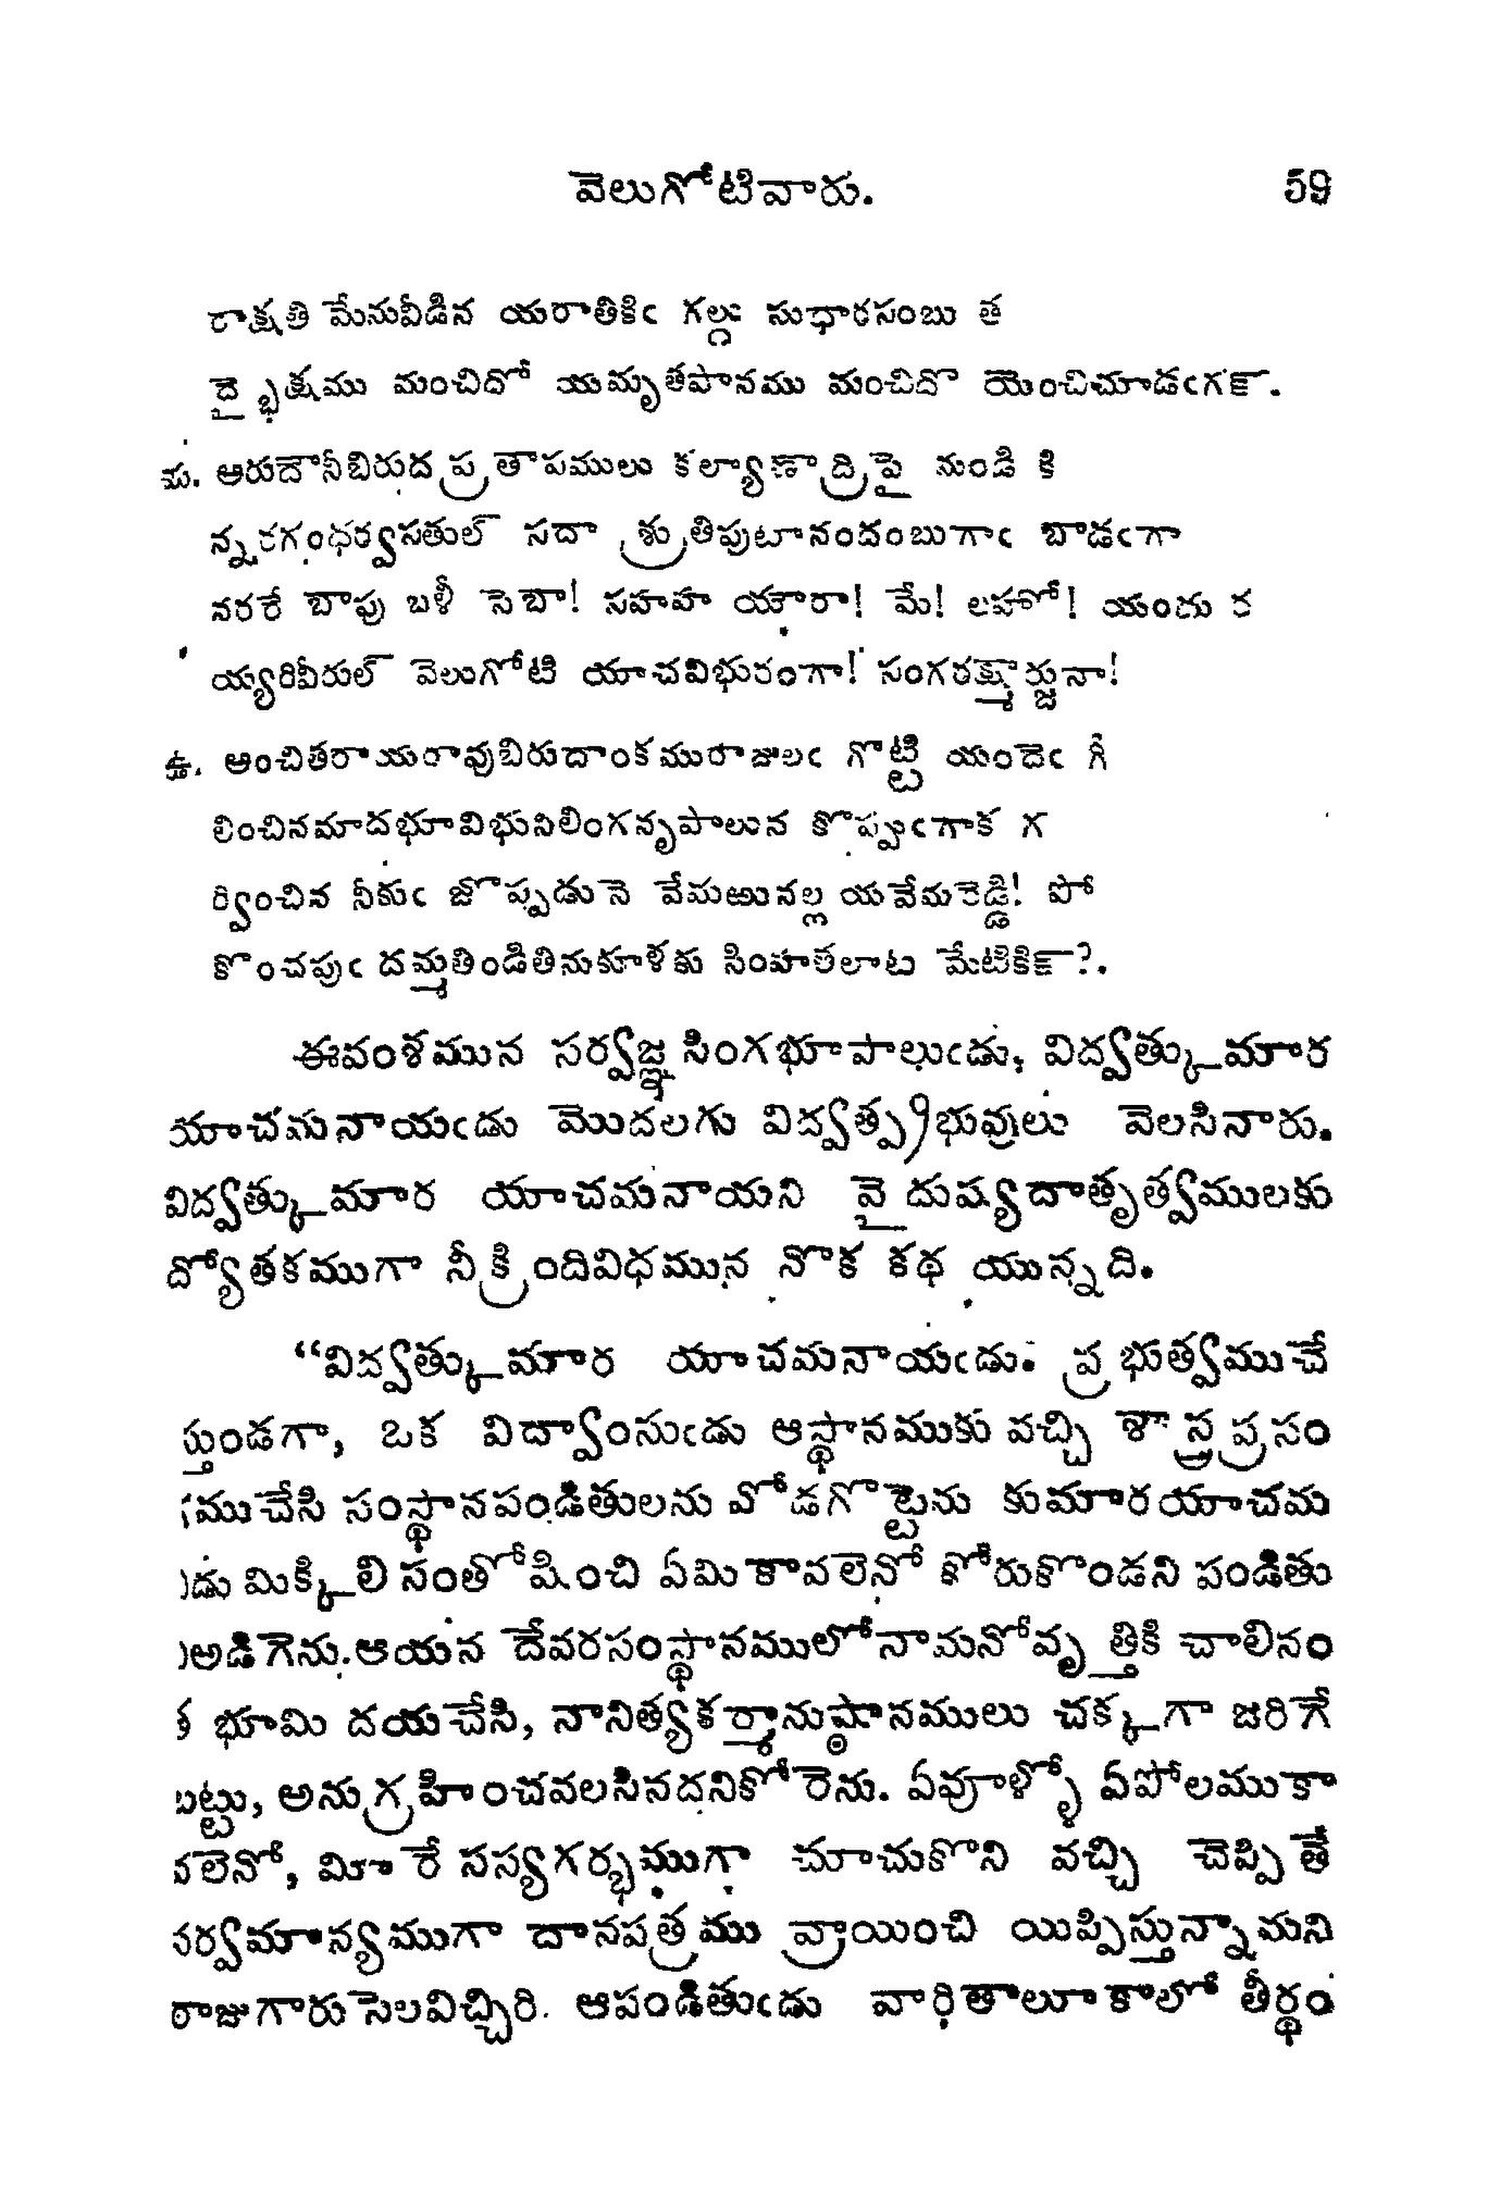రాక్షతి మేనువీడిన యరాతికిఁ గల్గు సుధారసంబు త
 ద్భైక్షము మంచిదో యమృతపానము మంచిదొ యెంచిచూడఁగన్.
మ. అరుదౌ నీబిరుదప్రతాపములు కల్యాణాద్రిపై నుండి కి
 న్నరగంధర్వసతుల్ సదా శ్రుతిపుటానందంబుగాఁ బాడఁగా
 నరరే బాపు బళీ! సెబా! నహహ! యౌరా! మే! లహో! యందు ర
 య్యరివీరుల్ వెలుగోటి యాచవిభురంగా! సంగరక్ష్మార్జునా!
ఉ. అంచితరాయరావుబిరుదాంకము రాజులఁ గొట్టి యందె గీ
 లించిన మాదభూవిభుని లింగనృపాలున కొప్పుఁగాక గ
 ర్వించిన నీకుఁ జొప్పడునె వేమఱునల్లయవేమరెడ్డి! పో
 కొంచెపుఁ దమ్మతిండితినుకూళకు సింహతలాట మేటికిన్?

ఈ వంశమున సర్వజ్ఞ సింగభూపాలుఁడు, విద్వత్కుమార యాచమనాయఁడు మొదలగు విద్వత్ప్రభువుల వెలసినారు. విద్వద్కుమార యాచమనాయని వైదుష్యదాతృత్వములకు ద్యోతకముగా నీ క్రింది విధమున నొక కథ యున్నది.

“విద్వత్కుమార యాచమనాయఁడు ప్రభుత్వము చేస్తుండగా, ఒక విద్వాంసుఁడు ఆస్థానమునకు వచ్చి శాస్త్రప్రసంగము చేసి సంస్థాన పండితులను వోడగొట్టెను. కుమార యాచమనీడు మిక్కిలి సంతోషించి ఏమి కావలెనో కోరుకొండని పండితుని అడిగెను. ఆయన దేవర సంస్థానములో నా మనోవృత్తికి చాలినంత భూమి దయచేసి, నా నిత్యకర్మానుష్ఠానములు చక్కగా జరిగేటట్టు అనుగ్రహించవలసినదని కోరెను. ఏ వూళ్ళో ఏ పొలము కావలెనో, మీరే సస్యగర్భముగా చూచుకొని వచ్చి చెప్పితే సర్వమాన్యముగా దానపత్రము వ్రాయించి యిప్పిస్తున్నామని రాజుగారు సెలవిచ్చిరి. ఆ పండితుఁఢు వారి తాలూకాలో తీర్థం